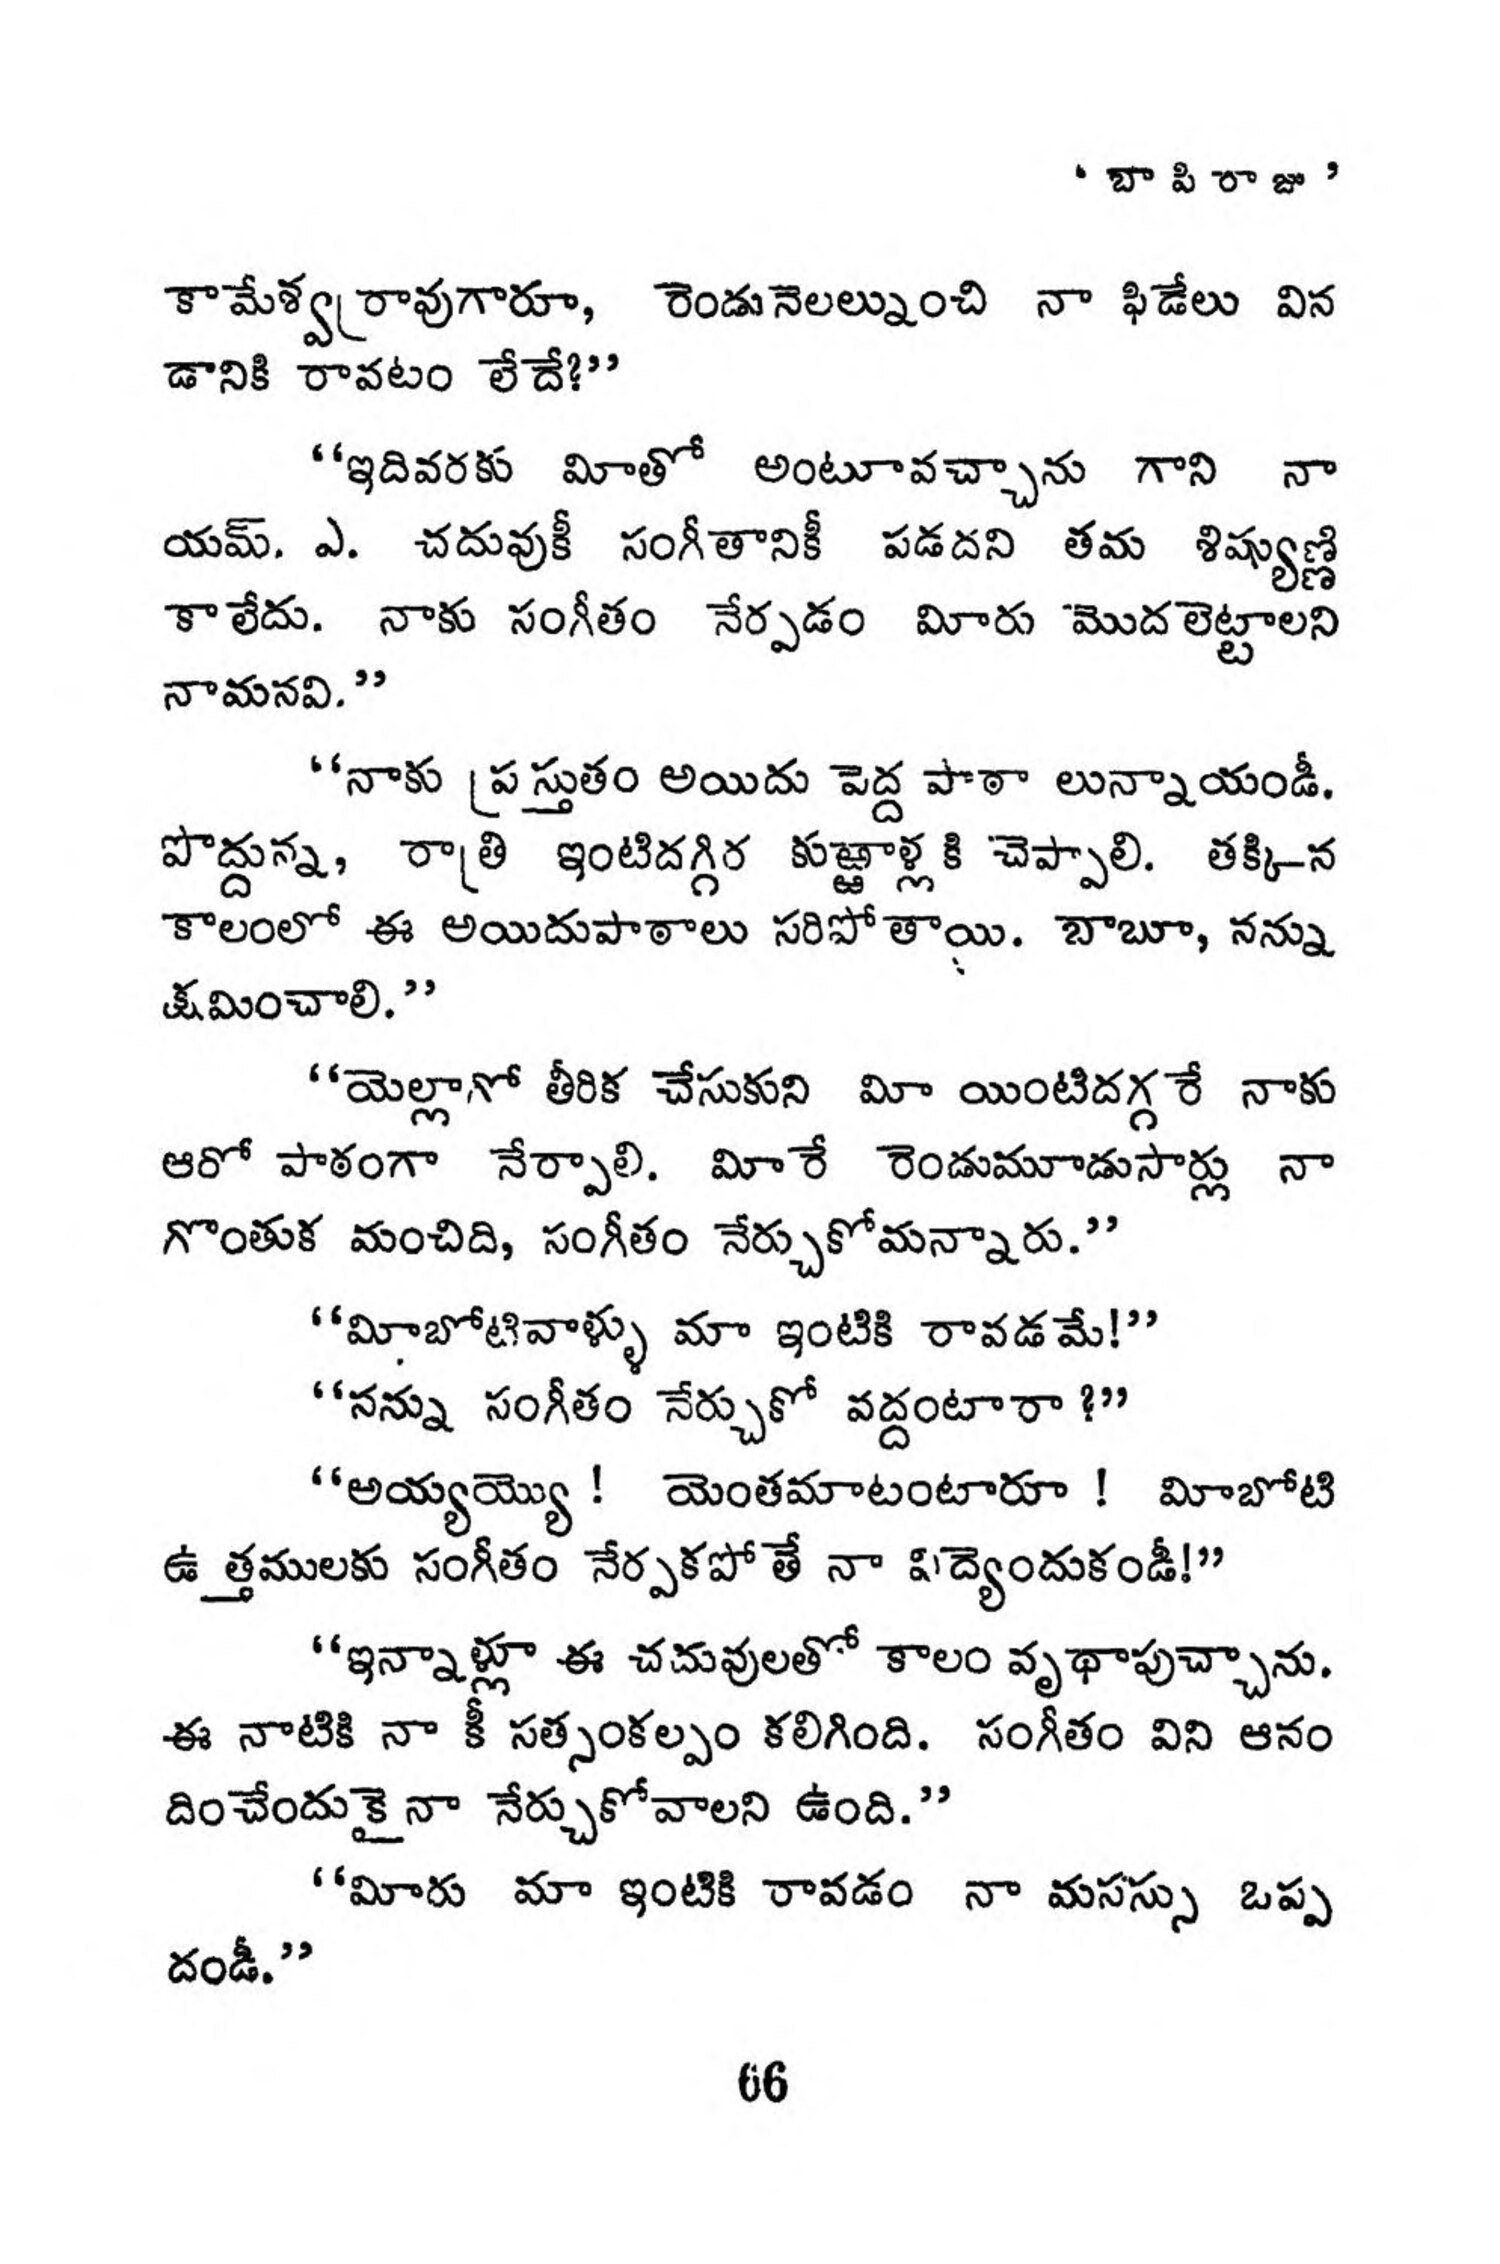కామేశ్వర్రావుగారూ, రెండు నెలల్నుంచి నా ఫిడేలు వినడానికి రావటం లేదే?"

"ఇదివరకు మీతో అంటూవచ్చాను గాని నా యమ్. ఎ. చదువుకీ సంగీతానికీ పడదని తమ శిష్యుణ్ణి కాలేదు. నాకు సంగీతం నేర్పడం మీరు మొదలెట్టాలని నామనవి."

"నాకు ప్రస్తుతం అయిదు పెద్ద పాఠా లున్నాయండీ. పొద్దున్న, రాత్రి ఇంటిదగ్గిర కుఱ్ఱాళ్లకి చెప్పాలి. తక్కిన కాలంలో ఈ అయిదుపాఠాలు సరిపోతాయి. బాబూ, నన్ను క్షమించాలి."

"యెల్లాగో తీరిక చేసుకుని మీ యింటిదగ్గరే నాకు ఆరో పాఠంగా నేర్పాలి. మీరే రెండుమూడుసార్లు నా గొంతుక మంచిది, సంగీతం నేర్చుకోమన్నారు."

"మీబోటివాళ్ళు మా ఇంటికి రావడమే!"

"నన్ను సంగీతం నేర్చుకో వద్దంటారా?"

"అయ్యయ్యొ! యెంతమాటంటారూ ! మీబోటి ఉత్తములకు సంగీతం నేర్పకపోతే నా విద్యెందుకండీ!"

"ఇన్నాళ్లూ ఈ చదువులతో కాలం వృథాపుచ్చాను. ఈ నాటికి నా కీ సత్సంకల్పం కలిగింది. సంగీతం విని ఆనందించేందుకైనా నేర్చుకోవాలని ఉంది."

"మీరు మా ఇంటికి రావడం నా మనస్సు ఒప్పదండీ."